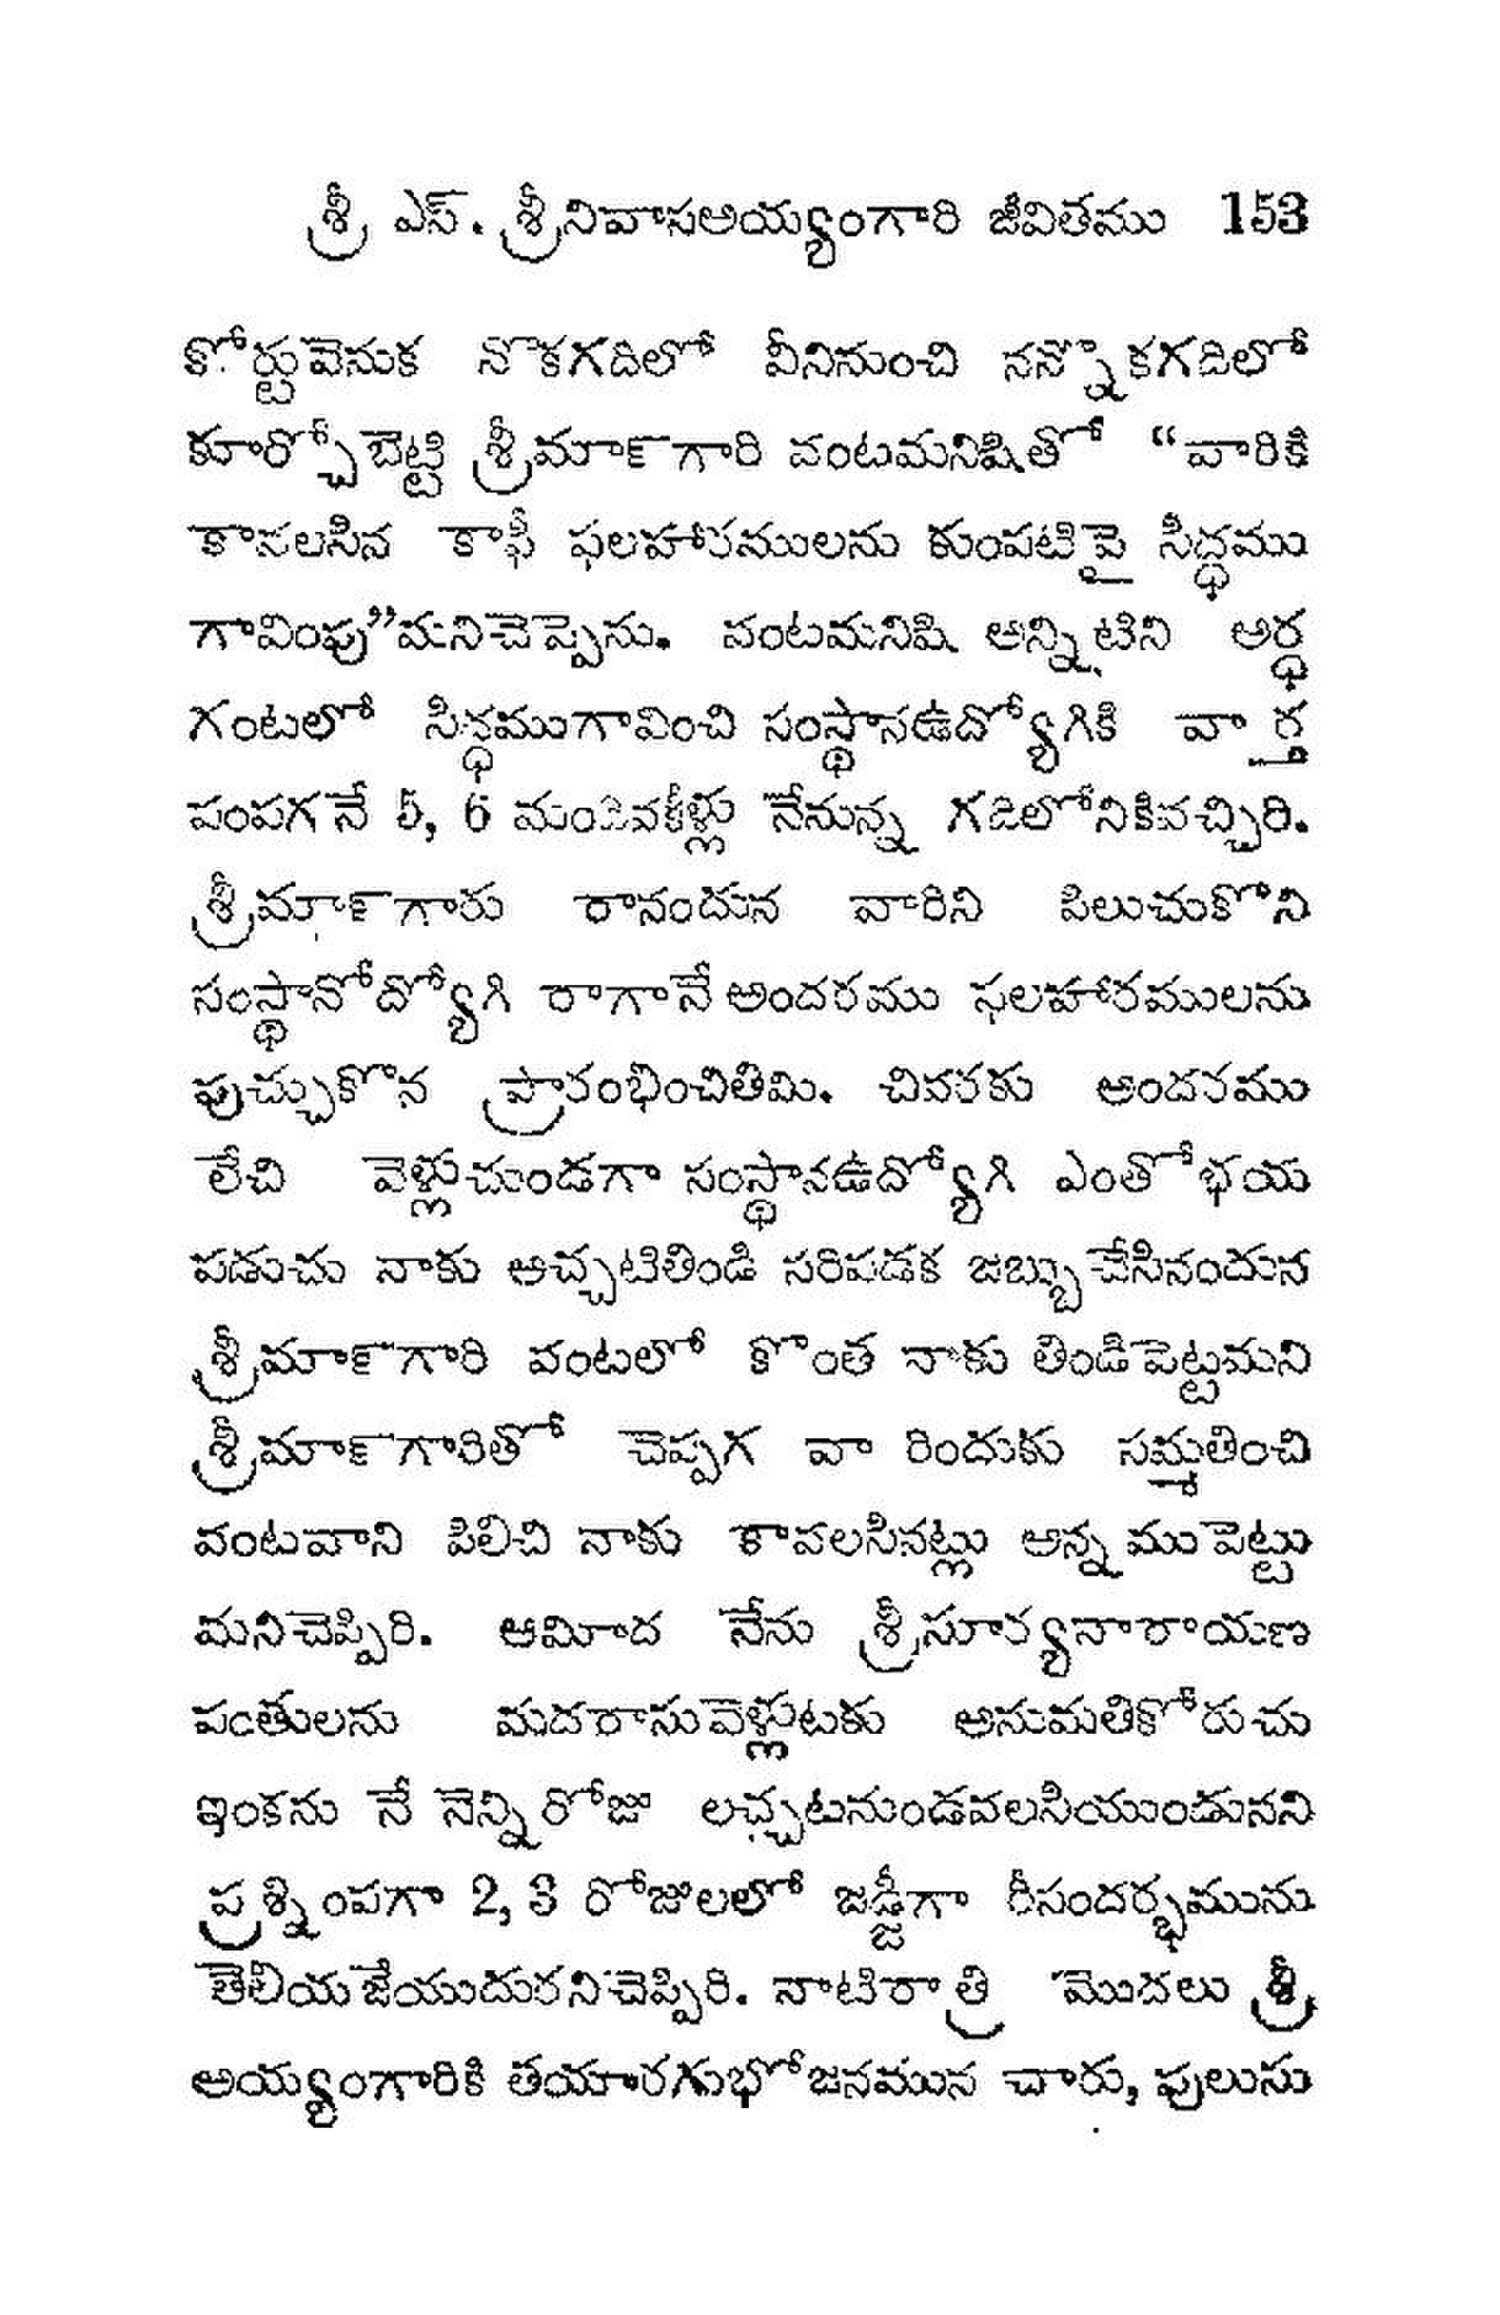కోర్టువెనుక నొకగదిలో వీనినుంచి నన్నొకగదిలో కూర్చోబెట్టి శ్రీమా౯గారి వంటమనిషితో "వారికి కావలసిన కాఫీ ఫలహారములను కుంపటిపై సిద్ధము గావింపు"మనిచెప్పెను. వంటమనిషి. అన్నిటిని అర్థగంటలో సిద్ధముగావించి సంస్థానఉద్యోగికి వార్త పంపగనే 5, 6 మందివకీళ్లు నేనున్న గదిలోనికివచ్చిరి. శ్రీమా౯గారు రానందున వారిని పిలుచుకొని సంస్థానోద్యోగి రాగానే అందరము ఫలహారములను పుచ్చుకొన ప్రారంభించితిమి. చివరకు అందరము లేచి వెళ్లుచుండగా సంస్థానఉద్యోగి ఎంతోభయపడుచు నాకు అచ్చటితిండి సరిపడక జబ్బుచేసినందున శ్రీమా౯గారి వంటలో కొంత నాకుతిండిపెట్టమని శ్రీమా౯గారితో చెప్పగ వా రిందుకు సమ్మతించి వంటవాని పిలిచి నాకు కావలసినట్లు అన్నముపెట్టుమని చెప్పిరి. ఆమీద నేను శ్రీసూర్యనారాయణ పంతులను మదరాసు వెళ్లుటకు అనుమతికోరుచు ఇంకను నే నేన్నిరోజు లచ్చటనుండవలసియుండునని ప్రశ్నింపగా 2, 3 రోజులలో జడ్జిగా రీసందర్భమును తెలియజేయుదురని చెప్పిరి. నాటిరాత్రి మొదలు శ్రీ అయ్యంగారికి తయారగుభోజనమున చారు, పులుసు